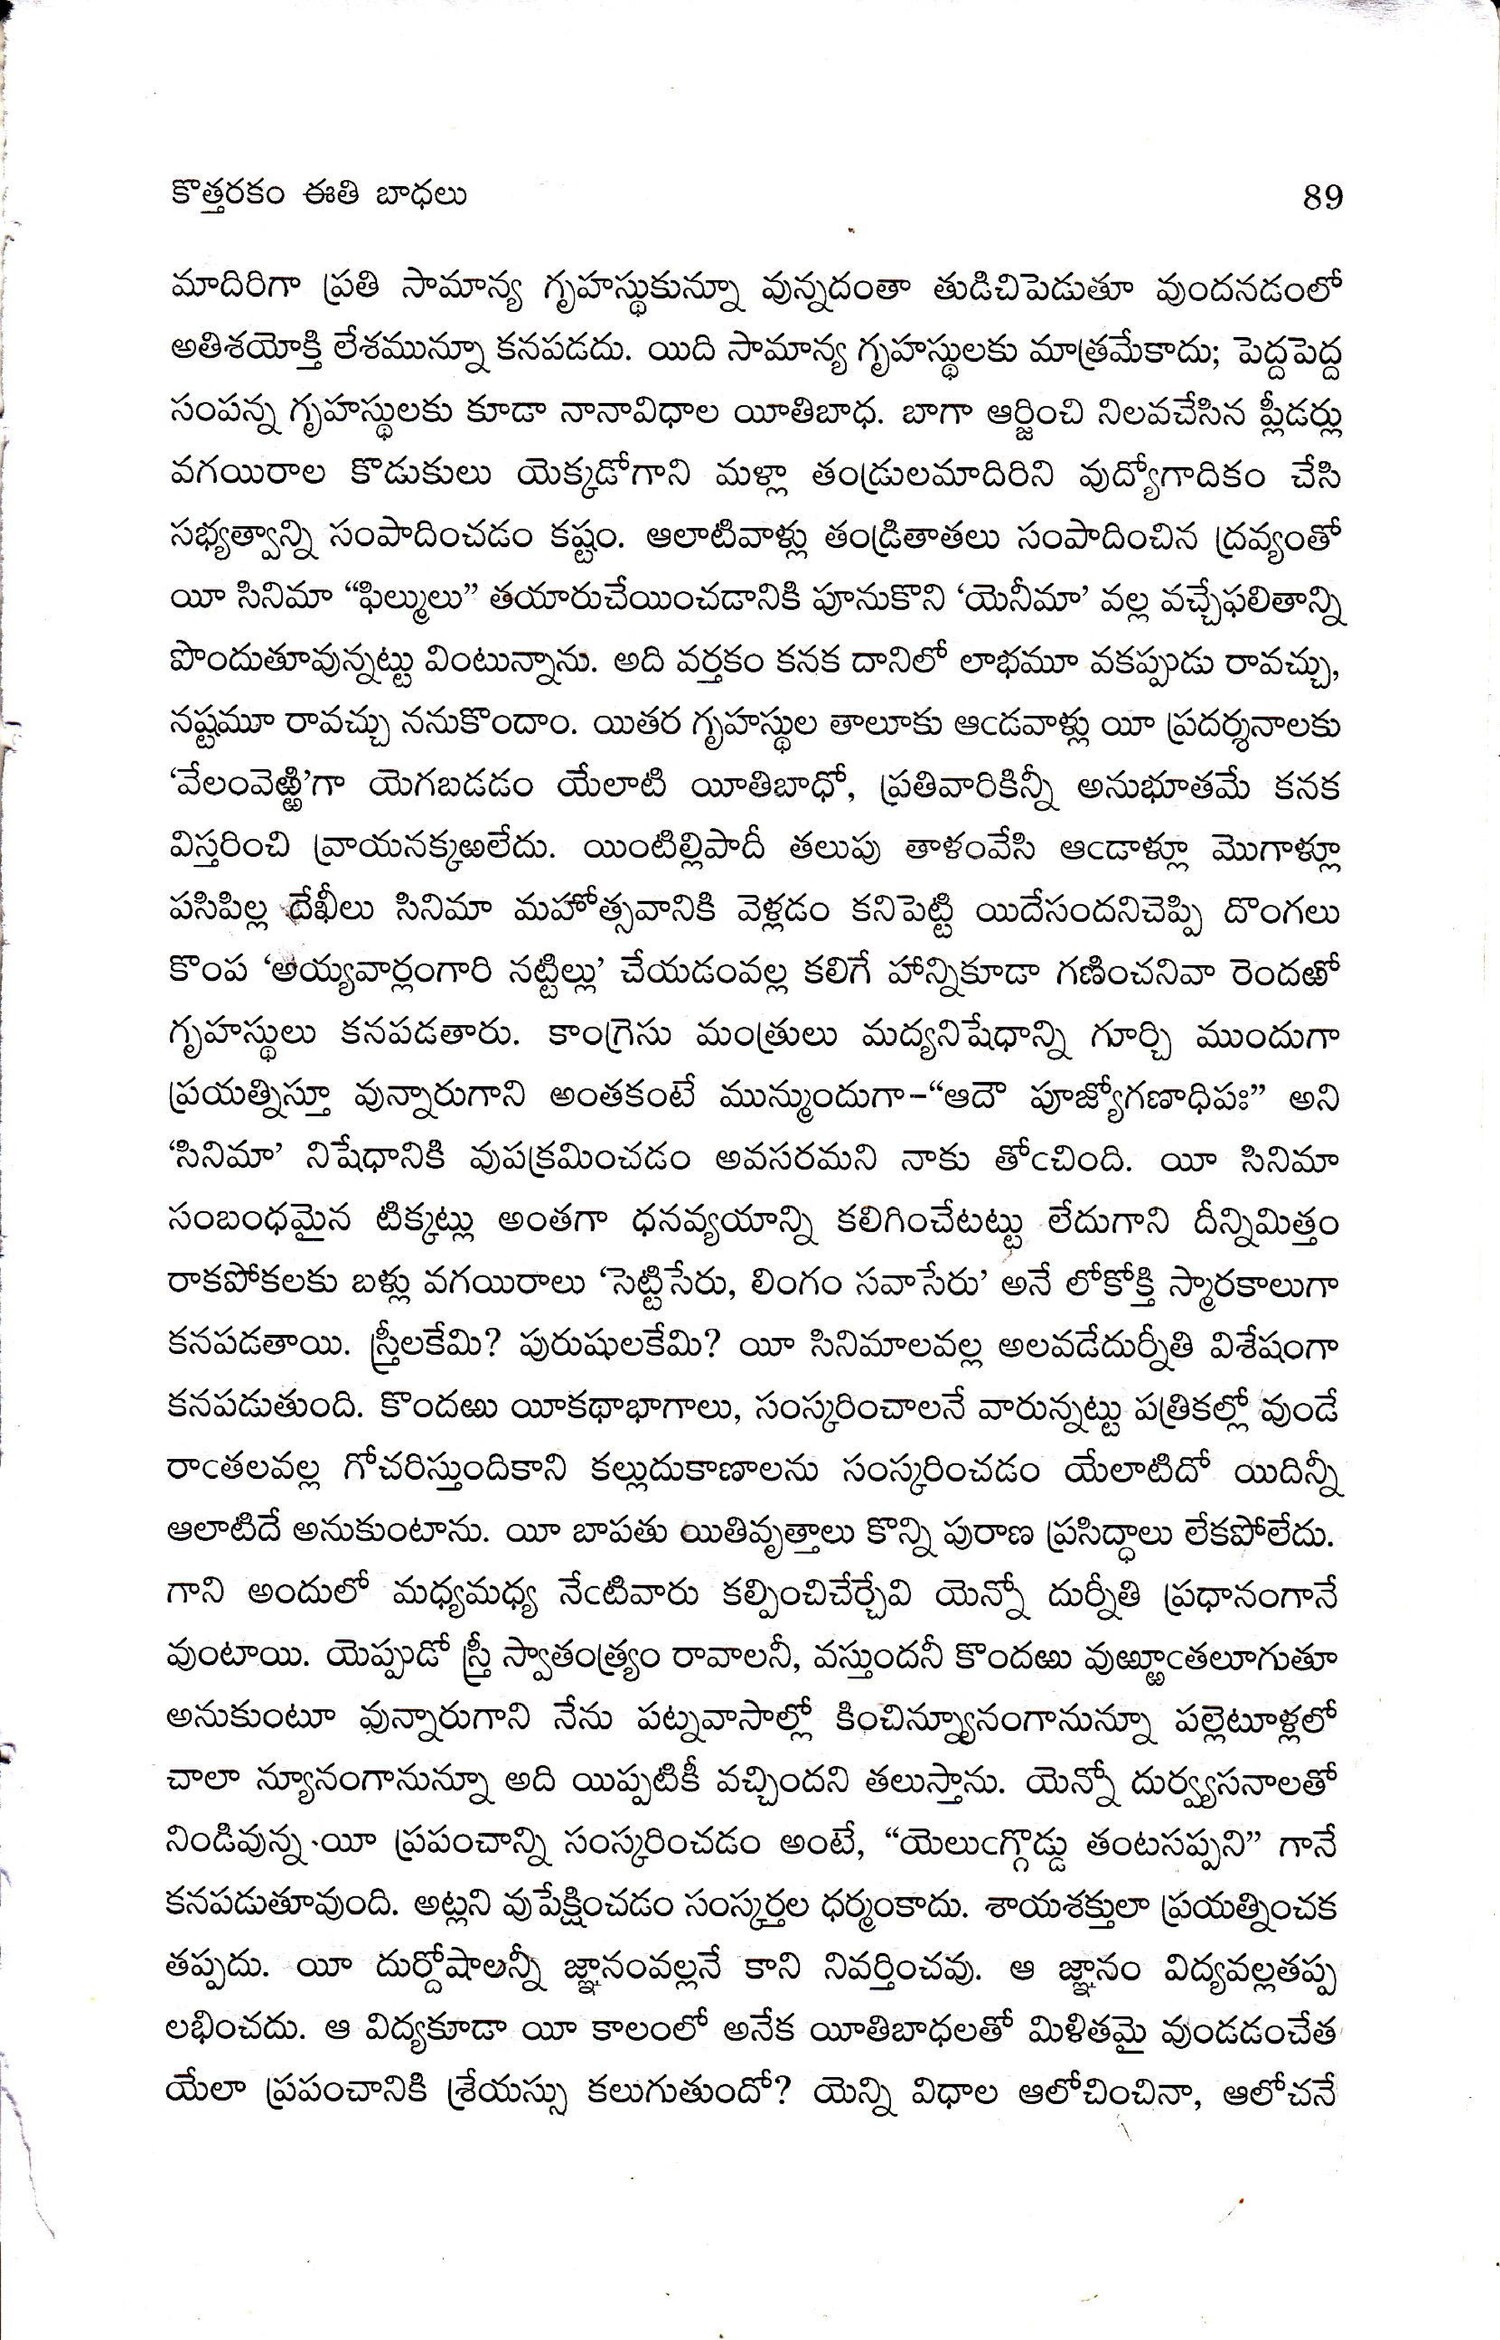మాదిరిగా ప్రతి సామాన్య గృహస్టుకున్నూ వున్నదంతా తుడిచిపెడుతూ వుందనడంలో అతిశయోక్తి లేశమున్నూ కనపడదు. యిది సామాన్య గృహస్టులకు మాత్రమేకాదు; పెద్దపెద్ద సంపన్న గృహస్టులకు కూడా నానావిధాల యీతిబాధ. బాగా ఆర్జించి నిలవచేసిన ప్లీడర్లు వగయిరాల కొడుకులు యొక్కడోగాని మళ్లా తండ్రులమాదిరిని వుద్యోగాదికం చేసి సభ్యత్వాన్ని సంపాదించడం కష్టం. ఆలాటివాళ్లు తండ్రితాతలు సంపాదించిన ద్రవ్యంతో యూ సినిమా “ఫిల్మలు" తయారుచేయించడానికి పూనుకొని 'యెనీమా వల్ల వచ్చేఫలితాన్ని పొందుతూవున్నట్టు వింటున్నాను. అది వర్తకం కనక దానిలో లాభమూ వకప్పడు రావచ్చు, నష్టమూ రావచ్చుననుకొందాం. యితర గృహస్టుల తాలూకు ఆండవాళ్లు యీ ప్రదర్శనాలకు వేలంవెట్టిగా యెగబడడం యేలాటి యీతిబాధో, ప్రతివారికిన్నీ అనుభూతమే కనక విస్తరించి వ్రాయనక్కఱలేదు. యింటిల్లిపాదీ తలుపు తాళంవేసి ఆండాళూ మొగాళూ పసిపిల్ల దేఖీలు సినిమా మహోత్సవానికి వెళ్లడం కనిపెట్టి యిదేసందనిచెప్పి దొంగలు కొంప ‘అయ్యవార్లంగారి నట్టిల్లు చేయడంవల్ల కలిగే హాన్నికూడా గణించనివా రెందటో గృహస్టులు కనపడతారు. కాంగ్రెసు మంత్రులు మద్యనిషేధాన్ని గూర్చి ముందుగా ప్రయత్నిస్తూ వున్నారుగాని అంతకంటే మున్ముందుగా-“ఆదౌ పూజ్యోగణాధిపః" అని సినిమా నిషేధానికి వుపక్రమించడం అవసరమని నాకు తోcచింది. యీ సినిమా సంబంధమైన టిక్కట్లు అంతగా ధనవ్యయాన్ని కలిగించేటట్టు లేదుగాని దీన్నిమిత్తం రాకపోకలకు బళ్లు వగయిరాలు సెట్టిసేరు, లింగం సవాసేరు' అనే లోకోక్తి స్మారకాలుగా కనపడతాయి. స్త్రీలకేమి? పురుషులకేమి? యీ సినిమాలవల్ల అలవడేదుర్నీతి విశేషంగా కనపడుతుంది. కొందఱు యీకథాభాగాలు, సంస్కరించాలనే వారున్నట్టు పత్రికల్లో వుండే రాంతలవల్ల గోచరిస్తుందికాని కల్లుదుకాణాలను సంస్కరించడం యేలాటిదో యిదిన్నీ ఆలాటిదే అనుకుంటాను. యీ బాపతు యితివృత్తాలు కొన్ని పురాణ ప్రసిద్ధాలు లేకపోలేదు. గాని అందులో మధ్యమధ్య నేcటివారు కల్పించిచేర్చేవి యెన్నో దుర్నీతి ప్రధానంగానే వుంటాయి. యెప్పుడో స్త్రీ స్వాతంత్ర్యం రావాలనీ, వస్తుందనీ కొందఱు వుఱూంతలూగుతూ అనుకుంటూ వున్నారుగాని నేను పట్నవాసాల్లో కించిన్న్యూనంగానున్నూ పల్లెటూళ్లలో చాలా న్యూనంగానున్నూ అది యిప్పటికీ వచ్చిందని తలుస్తాను. యెన్నో దుర్వ్యసనాలతో నిండివున్నయీ ప్రపంచాన్ని సంస్కరించడం అంటే, "యెలుంగొడ్డు తంటసప్పని” గానే కనపడుతూవుంది. అట్లని వుపేక్షించడం సంస్కర్తల ధర్మంకాదు. శాయశక్తులా ప్రయత్నించక తప్పదు. యీ దుర్గోషాలన్నీ జ్ఞానంవల్లనే కాని నివర్తించవు. ఆ జ్ఞానం విద్యవల్లతప్ప లభించదు. ఆ విద్యకూడా యీ కాలంలో అనేక యీతిబాధలతో మిళితమై వుండడంచేత యేలా ప్రపంచానికి శ్రేయస్సు కలుగుతుందో? యెన్ని విధాల ఆలోచించినా, ఆలోచనే
^